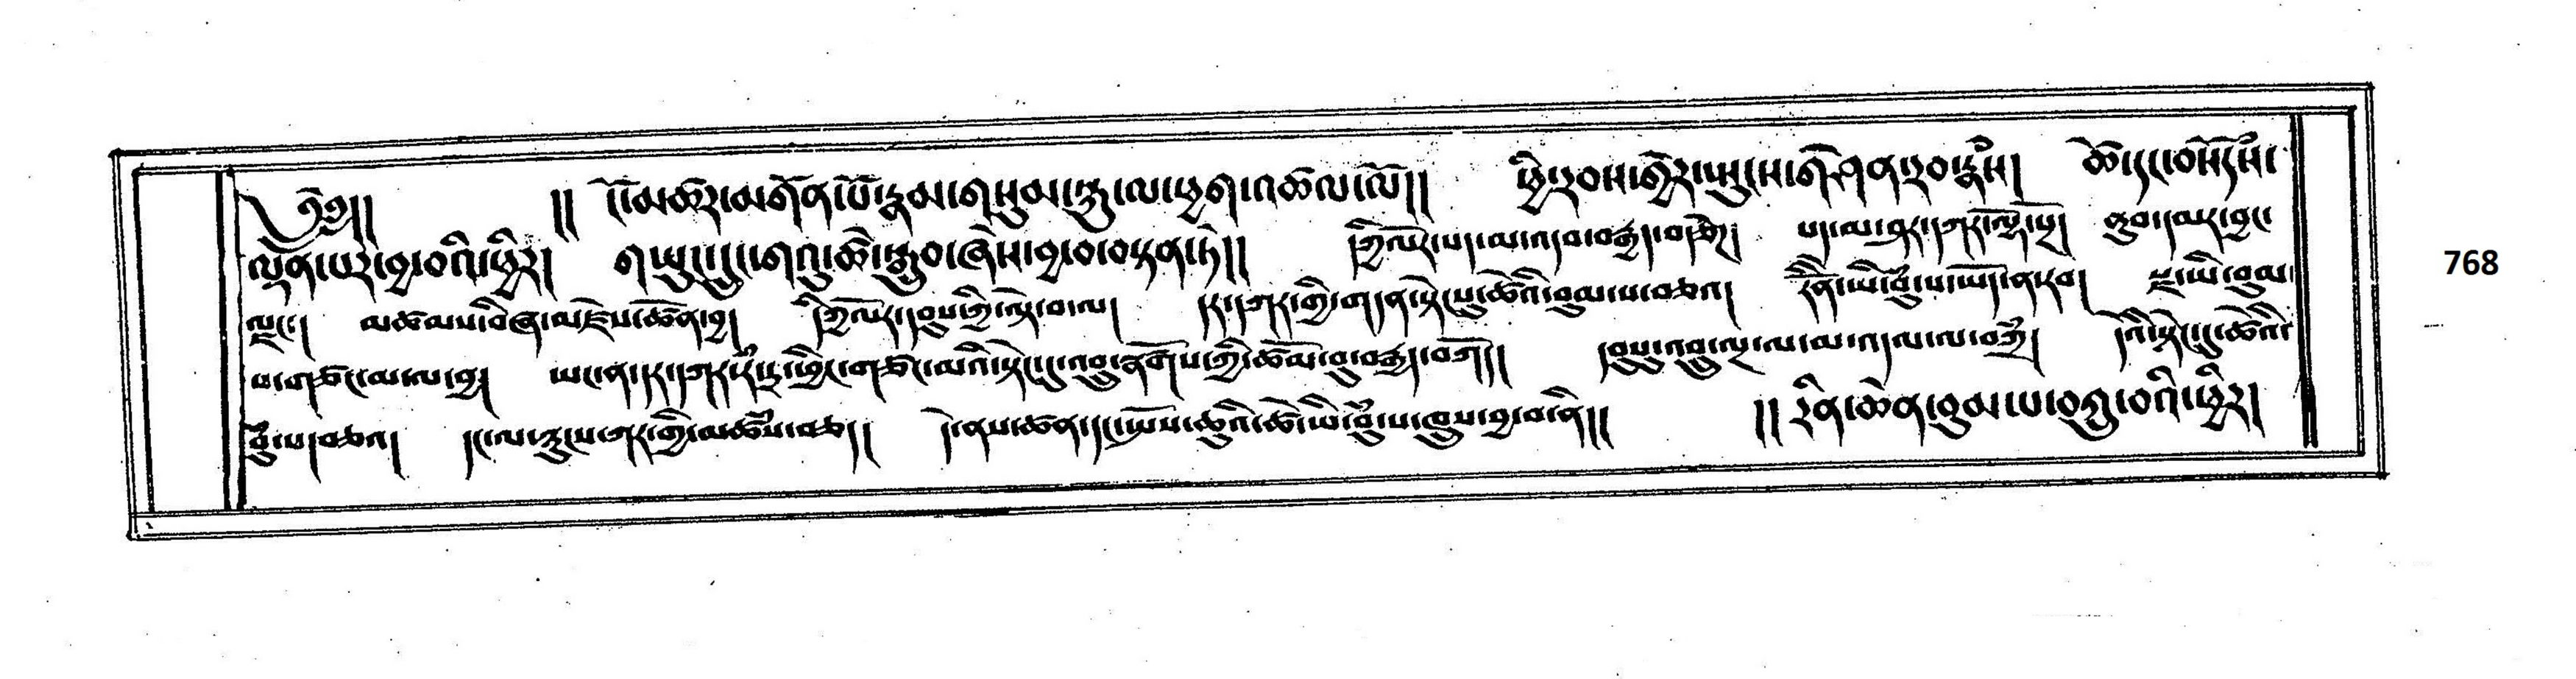༄༅།། །།ངོ་མཚར་མགོན་པོ་རྣམ་གསུམ་སྐུ་ལ་ཕྱག་འཚལ་ལོ།། ཕྱི་རབས་གྱེར་སྤུངས་གཤེན་རབ་རྣམས། ཚེ་དང་བསོད་ནམས་
ལྡན་པར་བྱ་བའི་ཕྱིར། གཡུང་དྲུང་གའུ་ཚེ་སྒྲུབ་ཞེས་བྱ་བ་བསྟན་ཏེ།། དཀྱིལ་འཁོར་པད་མ་འདབ་བརྒྱད་བརྩེགས། པད་མ་ཤར་དཀར་ལྷོ་སྔོ། ནུབ་དམར་བྱང་
ལྗང་། མཚམས་བཞི་མཛེས་ཚོན་བྱ། དཀྱིལ་འཁོར་དབུས་ཀྱི་ལྟེ་བ་ལ། དར་དཀར་གྱི་གདན་སྟེངས་སུ་ཚེའི་བུམ་པ་བཅའ། རིན་པོ་ཚེ་ཡི་བུམ་པ་ཡོད་ན་རབ། རྫ་ཡི་བུམ་
པ་གཙང་མ་ལ་བྱ། ཡང་ན་དར་དཀར་རམ་དྲ་ཕྱིང་གཙང་མའི་སྟེང་དུ་འབྲུ་སྣ་ཚོགས་ཀྱི་ཚོམ་བུ་བརྒྱད་བཀོད། དབུས་སུ་འབྲུ་ལྔ་ལ་མ་འདལ་ལ་བཀྲམ། དེའི་སྟེང་དུ་ཚེའི་
བུམ་པ་བཅའ། དང་ལ་ཉུངས་ཀར་གྱི་མཚམས་བཅད། དེ་ནས་ཚན་དང་སྤོས་ཆུའི་ཚེ་ཡི་བུམ་པ་ཁྲུས་བྱ་བ་ནི།། །།རིན་ཆེན་བུམ་པ་བཀྲུ་བའི་ཕྱིར།